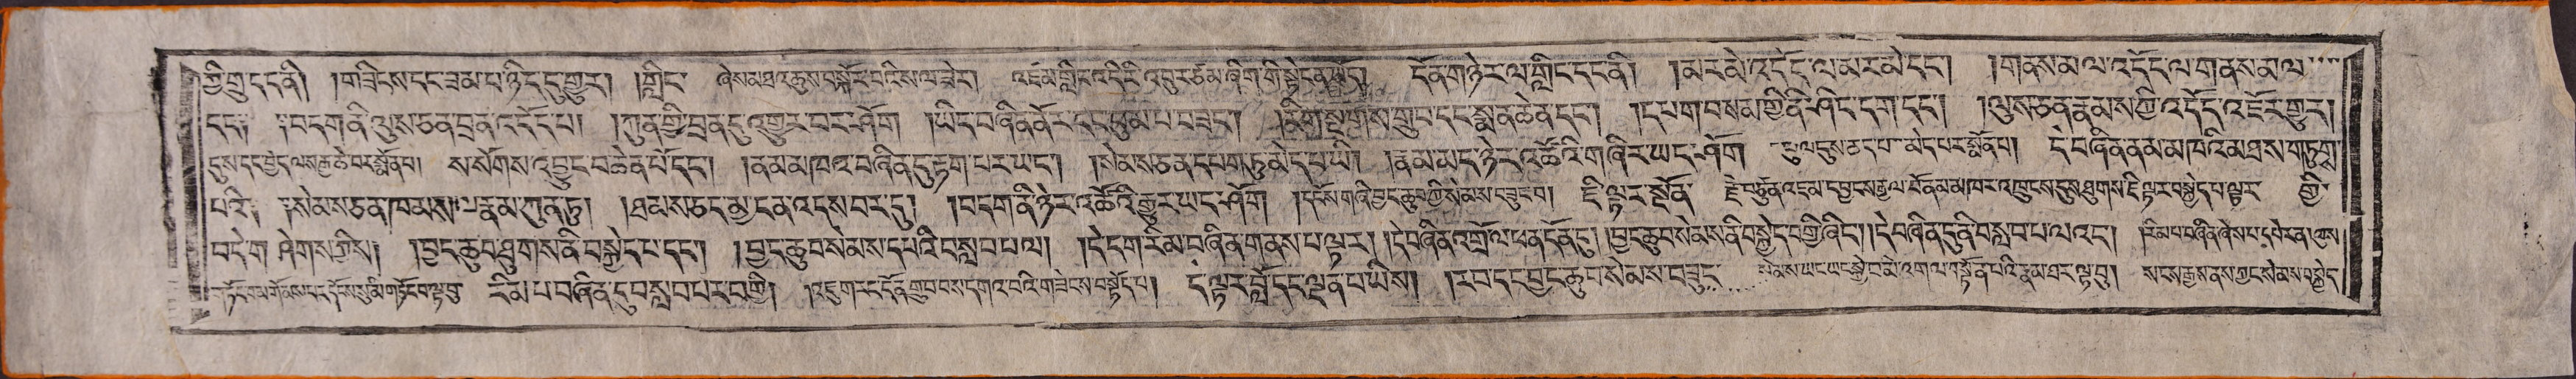ཀྱི་གྲུ་དང་ནི། །གཟིངས་དང་ཟམ་པ་ཉིད་དུ་གྱུར། །གླིང་ཞེས་མཐའ་ཆུས་བསྐོར་བའི་ས་ལ་ཟེར། འཛམ་གླིང་འདི་རི་འབུར་ཙམ་ཞིག་གི་སྟེང་ན་ཡོད། དོན་གཉེར་ལ་གླིང་དང་ནི། །མར་མེ་འདོད་ལ་མར་མེ་དང་། །གནས་མལ་འདོད་ལ་གནས་མལ་
དང༑ ༑བདག་ནི་ལུས་ཅན་བྲན་འདོད་པ། །ཀུན་གྱི་བྲན་དུ་འགྱུར་བར་ཤོག །ཡིད་བཞིན་ནོར་དང་བུམ་པ་བཟང་། །རིག་སྔགས་གྲུབ་དང་སྨན་ཆེན་དང་། །དཔག་བསམ་གྱི་ནི་ཤིང་དག་དང་། །ལུས་ཅན་རྣམས་ཀྱི་འདོད་འཇོར་གྱུར།།
དུས་དང་བྱེད་ལས་རྒྱ་ཆེ་བར་སྨོན་པ།  ས་སོགས་འབྱུང་བ་ཆེན་པོ་དང་། །ནམ་མཁའ་བཞིན་དུ་རྟག་པར་ཡང་། །སེམས་ཅན་དཔག་ཏུ་མེད་པ་ཡི། །རྣམ་མང་ཉེར་འཚོའི་གཞིར་ཡང་ཤོག་།ཡུལ་དུས་ཆད་པ་མེད་པར་སྨོན་པ།  དེ་བཞིན་ནམ་མཁའི་མཐས་གཏུགས་
པའི༑ ༑སེམས་ཅན་ཁམས་ལ་རྣམ་ཀུན་ཏུ། །ཐམས་ཅད་མྱ་ངན་འདས་བར་དུ། །བདག་ནི་ཉེར་འཚོའི་རྒྱུར་ཡང་ཤོག །དངོས་གཞི་བྱང་ཆུབ་ཀྱི་སེམས་བཟུང་བ། ཇི་ལྟར་སྔོན་རྗེ་བཙུན་འཇམ་དབྱངས་རྒྱལ་པོ་ནམ་མཁར་འཁྲུངས་དུས་ཐུགས་ཇི་ལྟར་བསྐྱེད་པ་ལྟར་གྱི་
བདེ་གཤེགས་ཀྱིས། །བྱང་ཆུབ་ཐུགས་ནི་བསྐྱེད་པ་དང་། །བྱང་ཆུབ་སེམས་དཔའི་བསླབ་པ་ལ། །དེ་དག་རིམ་བཞིན་གནས་པ་ལྟར། །དེ་བཞིན་འགྲོལ་ཕན་དོན་དུ། །བྱང་ཆུབ་སེམས་ནི་བསྐྱེད་བགྱི་ཞིང་། །དེ་བཞིན་དུ་ནི་བསླབ་པ་ལའང་། །རིམ་པ་བཞིན་ཞེས་པ་དཔེར་ན། ལུས་
འོང་བ་མ་གོམས་པར་དངོས་སུ་མི་གཏོང་བ་ལྟ་བུ་རིམ་པ་བཞིན་དུ་བསླབ་པར་བགྱི། །མཇུག་རང་དོན་གྲུབ་པས་དགའ་བའི་གཟེངས་བསྟོད་པ།  དེ་ལྟར་བློ་དང་ལྡན་པ་ཡིས། །རབ་དང་བྱང་ཆུབ་སེམས་བཟུང་སེམས་ཡང་ཡང་སྐྱེ་བ་མི་འགལ་བསྟོད་པའི་རྣམ་ཐར་ལྟ་བུ། སངས་རྒྱས་ནས་ཀྱང་སེམས་བསྐྱེད་